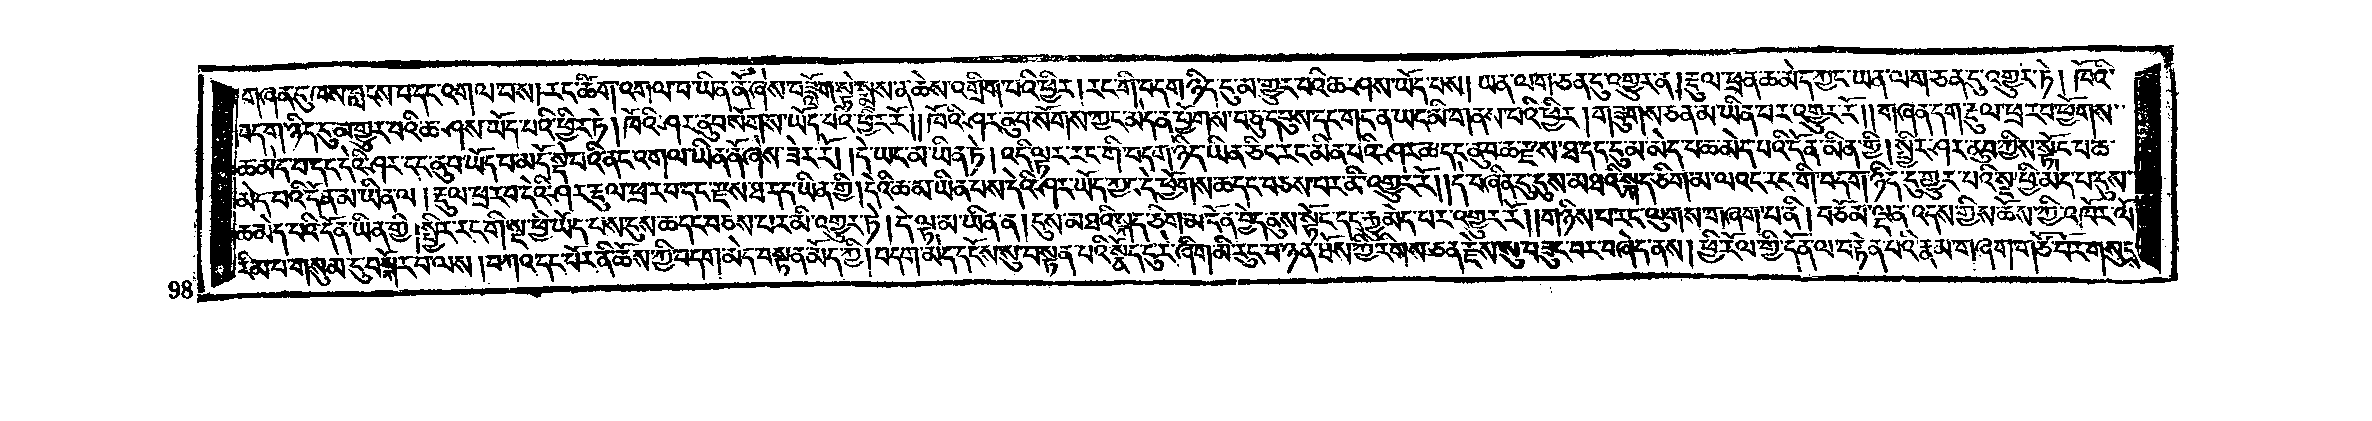གཞན་དུ་ཁས་བླངས་པ་དང་འགལ་བས། རང་ཚིག་འགལ་བ་ཡིན་ནོ་ཞེས་བཟློག་སྟེ་སྨྲས་ན་ཆེས་འགྲིག་པའི་ཕྱིར། རང་གི་བདག་ཉིད་དུ་མ་གྱུར་པའི་ཆ་ཤས་ཡོད་པས། ཡན་ལག་ཅན་དུ་འགྱུར་ན། རྡུལ་ཕྲན་ཆ་མེད་ཀྱང་ཡན་ལག་ཅན་དུ་འགྱུར་ཏེ། ཁོའི་
བདག་ཉིད་དུ་མ་གྱུར་པའི་ཆ་ཤས་ཡོད་པའི་ཕྱིར་ཏེ། ཁོའི་ཤར་ནུབ་སོགས་ཡོད་པའི་ཕྱིར་རོ། །ཁོའི་ཤར་ནུབ་སོགས་ཀྱང་མེད་ན་ཕྱོགས་བཅུ་དབུས་དང་གང་ན་ཡང་མི་གནས་པའི་ཕྱིར། གཟུགས་ཅན་མ་ཡིན་པར་འགྱུར་རོ། །གཞན་དག་རྡུལ་ཕྲ་རབ་ཕྱོགས་
ཆ་མེད་པ་དང་དེའི་ཤར་དང་ནུབ་ཡོད་པ་མདོ་སྡེ་པའི་ནང་འགལ་ཡིན་ནོ་ཞེས་ཟེར་རོ། །དེ་ཡང་མ་ཡིན་ཏེ། འདི་ལྟར་རང་གི་བདག་ཉིད་ཡིན་ཅིང་རང་མིན་པའི་ཤར་ཆ་དང་ནུབ་ཆ་རྫས་ཐ་དད་དུ་མ་མེད་པ་ཆ་མེད་པའི་དོན་མིན་གྱི། སྤྱིར་ཤར་ནུབ་ཀྱིས་སྟོང་པ་ཆ་
མེད་པའི་དོན་མ་ཡིན་ལ། རྡུལ་ཕྲ་རབ་དེའི་ཤར་རྡུལ་ཕྲ་རབ་དང་རྫས་ཐ་དད་ཡིན་གྱི། དེའི་ཆ་མ་ཡིན་པས་དེའི་ཤར་ཡོད་ཀྱང་དེ་ཕྱོགས་ཆ་དང་བཅས་པར་མི་འགྱུར་རོ། །དེ་བཞིན་དུ་དུས་མཐའི་སྐད་ཅིག་མ་ལའང་རང་གི་བདག་ཉིད་དུ་གྱུར་པའི་སྔ་ཕྱི་མེད་པ་དུས་
ཆ་མེད་པའི་དོན་ཡིན་གྱི། སྤྱིར་རང་གི་སྔ་ཕྱི་ཡོད་པས་དུས་ཆ་དང་བཅས་པར་མི་འགྱུར་ཏེ། དེ་ལྟ་མ་ཡིན་ན། དུས་མཐའི་སྐད་ཅིག་མ་དོན་བྱེད་ནུས་སྟོང་དང་རྒྱུ་མེད་པར་འགྱུར་རོ། །གཉིས་པ་རང་ལུགས་གཞག་པ་ནི། བཅོམ་ལྡན་འདས་གྱིས་ཆོས་ཀྱི་འཁོར་ལོ་
རིམ་པ་གསུམ་དུ་བསྐོར་བ་ལས། བཀའ་དང་པོར་ནི་ཆོས་ཀྱི་བདག་མེད་བསྟན་མོད་ཀྱི། བདག་མེད་དངོས་སུ་བསྟན་པའི་སྣོད་དུ་རེ་ཞིག་མི་རུང་བ་ཉན་ཐོས་ཀྱི་རིགས་ཅན་རྗེས་སུ་བཟུང་བར་བཞེད་ནས། ཕྱི་རོལ་གྱི་དོན་ལ་བརྟེན་པའི་རྣམ་གཞག་གཙོ་བོར་གསུངས་